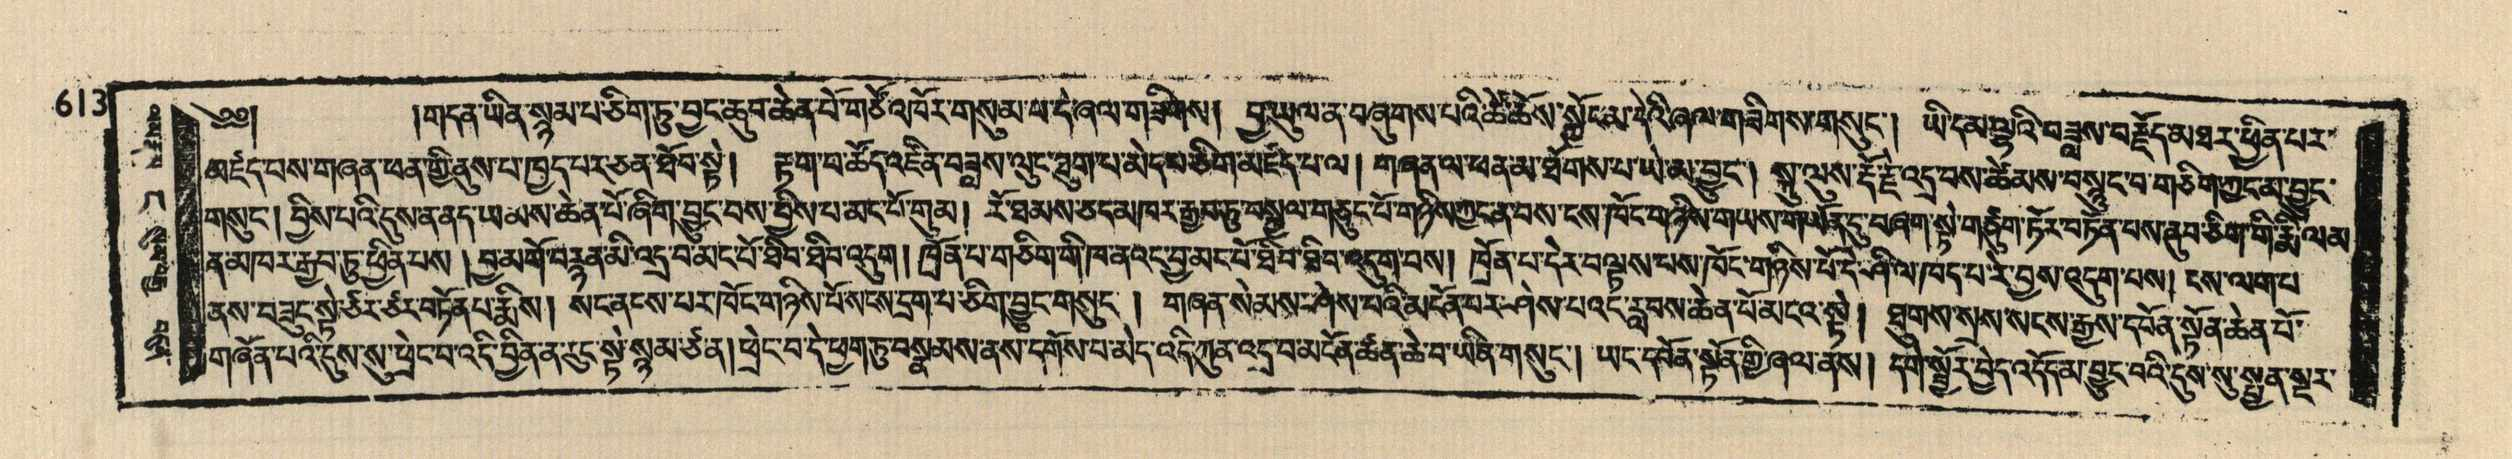༄༅། །གདན་ཡིན་སྙམ་པ་ཅིག་ཏུ་བྱུང་ཆུབ་ཆེན་པོ་གཙོ་འཁོར་གསུམ་པ་དེ་ཞལ་གཟིགས། བྱ་ཡུལ་ན་བཞུགས་པའི་ཚེ་ཆོས་སྐྱོང་མ་དེའི་ཞལ་གཟིགས་གསུང་། ཡི་དམ་ལྷའི་བཟླས་བརྗོད་མཐར་ཕྱིན་པར་
མཛད་པས་གཞན་ཕན་གྱི་ནུས་པ་ཁྱད་པར་ཅན་ཐོབ་སྟེ། རྟག་པ་ཚོད་འཛིན་བཟླས་ལུང་ཐུག་པ་མེད་པ་ཅིག་མཛད་པ་ལ། གཞན་ལ་ཕན་མ་ཐོགས་པ་ཡེ་མ་བྱུང་། སྐུ་ལུས་རྡོ་རྗེ་འདྲ་བས་ཚེམས་བསྙུང་བ་གཅིག་ཀྱང་མ་བྱུང་
གསུང་། བྱིས་པའི་དུས་ན་ནད་ཡམས་ཆེན་པོ་ཞིག་བྱུང་བས་བྱིས་པ་མང་པོ་གུམ། རོ་ཐམས་ཅད་མཁར་རྒྱབ་ཏུ་བསྐྱལ་གཅུང་པོ་གཉིས་ཀྱང་ན་བས་ངས་ཁོང་གཉིས་གཡས་གཡོན་དུ་བཞག་སྟེ་གཙུག་ཏོར་བཏོན་པས་ནུབ་ཅིག་གི་རྨི་ལམ་
ན་མཁར་རྒྱབ་ཏུ་ཕྱིན་པས། བྱ་མགོ་བརྙན་མི་འདྲ་བ་མང་པོ་ཐིབ་ཐིབ་འདུག། ཁྲོན་པ་གཅིག་གི་ཁ་ནའང་བྱ་མང་པོ་ཐིབ་ཐིབ་འདུག་བས། ཁྲོན་པ་དེར་བལྟས་པས་ཁོང་གཉིས་པོ་དེ་ཤི་ལ་ཁད་པ་རེ་བྱས་འདུག་པས། ངས་ལག་པ་
ནས་བཟུང་སྟེ་ཙར་ཙར་བཏོན་པ་རྨིས། སང་ནངས་པར་ཁོང་གཉིས་པོ་སངས་དྲག་པ་ཅིག་བྱུང་གསུང་། གཞན་སེམས་ཤེས་པའི་མངོན་པར་ཤེས་པའང་རླབས་ཆེན་པོ་མངའ་སྟེ། ཐུགས་སྲས་སང་རྒྱས་དབོན་སྟོན་ཆེན་པོ་
གཞོན་པའི་དུས་སུ་ཕྲེང་བ་འདི་བྱིན་ན་རུང་སྟེ་སྙམ་ཙ་ན། ཕྲེང་བ་དེ་ཕྱག་ཏུ་བསྣམས་ནས་དགོས་པ་མེད་འདི་ཀུན་འདྲ་བ་མངོན་ཚན་ཆེ་བ་ཡིན་གསུང་། ཡང་དབོན་སྟོན་གྱི་ཞལ་ནས། དགེ་སྦྱོར་བྱེད་འདོད་མ་བྱུང་བའི་དུས་སུ་སྤྱན་སྔར་